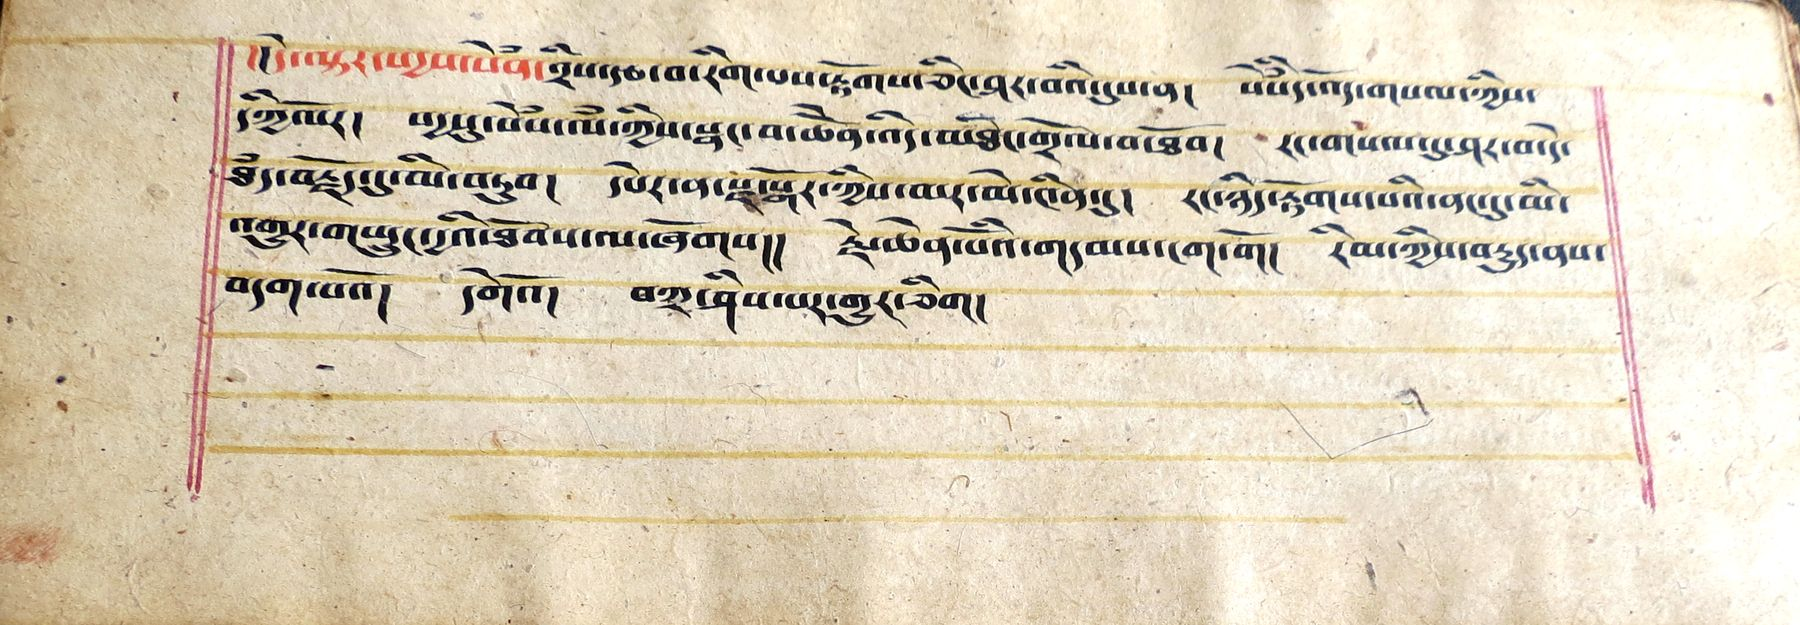དེ་ལྟར་སངས་རྒྱས་སེམས་ཅན་གཉིས་རྩ་བ་རིག་པས་རྟོགས་ཤིང་ཤར་བའི་དུས་ན། སེམས་ཉིད་འོད་གསལ་གྱི་
དཀྱིལ་འཁོར། སངས་རྒྱས་སུ་ལམ་གྱིས་སྣང་བ་ཆེན་པོ་འདི་མཐོང་གྲོལ་པ་ཐོབ། རང་གསལ་དུ་ཤར་བ་དེ་
ཐམས་ཅད་བརྗོད་དུ་མི་བཏུབ། དཔེར་ན་རྫ་སྒོར་ནང་གི་མར་མེ་བཞིན་དུ། རང་ཉིད་རྟོགས་པའི་ནང་དུ་མི་
འགྱུར་གཡུང་དྲུང་གི་རྒྱ་ཡིས་ཐོབ་ལ་ཞོག རྗེ་ཆེན་པོའི་གདམས་ངག་གོ། རིམ་གྱིས་བརྒྱུད་ནས་
བདག་ལའོ། ། དགེའོ། བཀྲ་ཤིས་པར་གྱུར་ཅིག །